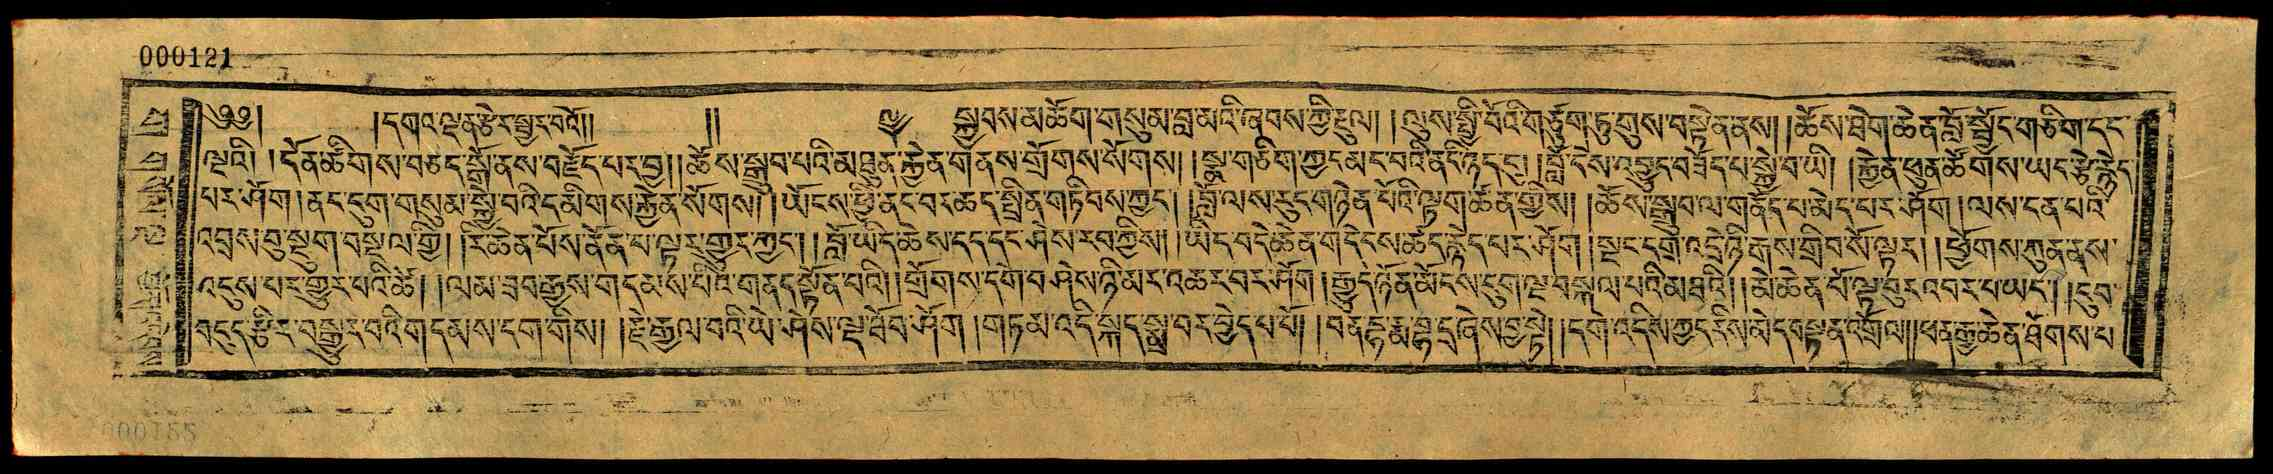༄༅། །དགའ་ལྡན་རྩེར་སྦྱར་བའོ།། །། ༈ སྐྱབས་མཆོག་གསུམ་པ་མའི་ཞབས་ཀྱི་རྡུལ། །ལུས་སྤྱི་བོའི་གཙུག་ཏུ་གུས་པ་སྟེན་ནས། །ཆོས་ཐེག་ཆེན་བློ་སྦྱོང་གཅིག་དང་
ལྔའི། །དོན་ཚིགས་བཅད་སྒོ་ནས་བརྗོད་པར་བྱ། །ཆོས་སྒྲུབ་པའི་མཐུན་རྐྱེན་གནས་གྲོགས་སོགས། །སྣ་གཅིག་ཀྱང་མེད་པའི་ནང་ཉིད་དུ། །བློ་ངེས་འབྱུང་བཟོད་པ་སྐྱེ་བ་ཡི། །རྐྱེན་ཕུན་ཚོགས་ཡང་རྩེ་རྙེད་
པར་ཤོག །ནང་དུག་གསུམ་སྐྱེ་པའི་དམིགས་རྐྱེན་སོགས། །ཡོངས་ཕྱི་ནང་བར་ཆད་སྤྲིན་གཏིབས་ཀྱང་། །བློ་ལས་རུང་གཉེན་པོའི་ལྟག་ཚན་གྱིས། །ཆོས་སྒྲུབ་ལ་གནོད་པ་མེད་པར་ཤོག །ལས་ངན་པའི་
འབྲས་བུ་སྡུག་བསྔལ་གྱི། །རི་ཆེན་པོས་ནོན་པ་ལྟར་གྱུར་ཀྱང་། །བློ་ཡིད་ཆེས་དད་དང་ཤེས་རབ་ཀྱིས། །ཡིད་བདེ་ཆེན་གདེངས་ཚད་རྙེད་པར་ཤོག །སྡང་དགྲ་འདྲེ་ཉི་རྒས་གྲིབ་སོ་ལྟར། །ཕྱོགས་ཀུན་ནས་
འདུས་པར་གྱུར་པའི་ཚེ། །ལམ་ཟབ་རྒྱས་གདམས་པའི་གནད་སྟོན་པའི། །གྲོགས་དགེ་བཤེས་ཉི་མར་འཆར་བར་ཤོག །རྒྱུད་ཉོན་མོངས་དུག་ལྔ་བསྐལ་པའི་མཐའི། །མེ་ཆེན་པོ་ལྟ་བུར་འབར་བ་ཡང་། །དུག་
བདུད་རྩིར་བསྒྱུར་བའི་གདམས་ངག་གིས། །རྗེ་རྒྱལ་བའི་ཡེ་ཤེས་ལྔ་ཐོབ་ཤོག །གཏམ་འདི་སྐད་སྨྲ་བར་བྱེད་པ་པོ། །བན་དྷེ་རྨ་བྷ་དྲ་ཞེས་བྱ་སྟེ། །དག་འདིས་ཀྱང་རིས་མེད་བསྟན་འགྲོལ། །ཕན་རྒྱ་ཆེན་ཐོགས་པ་